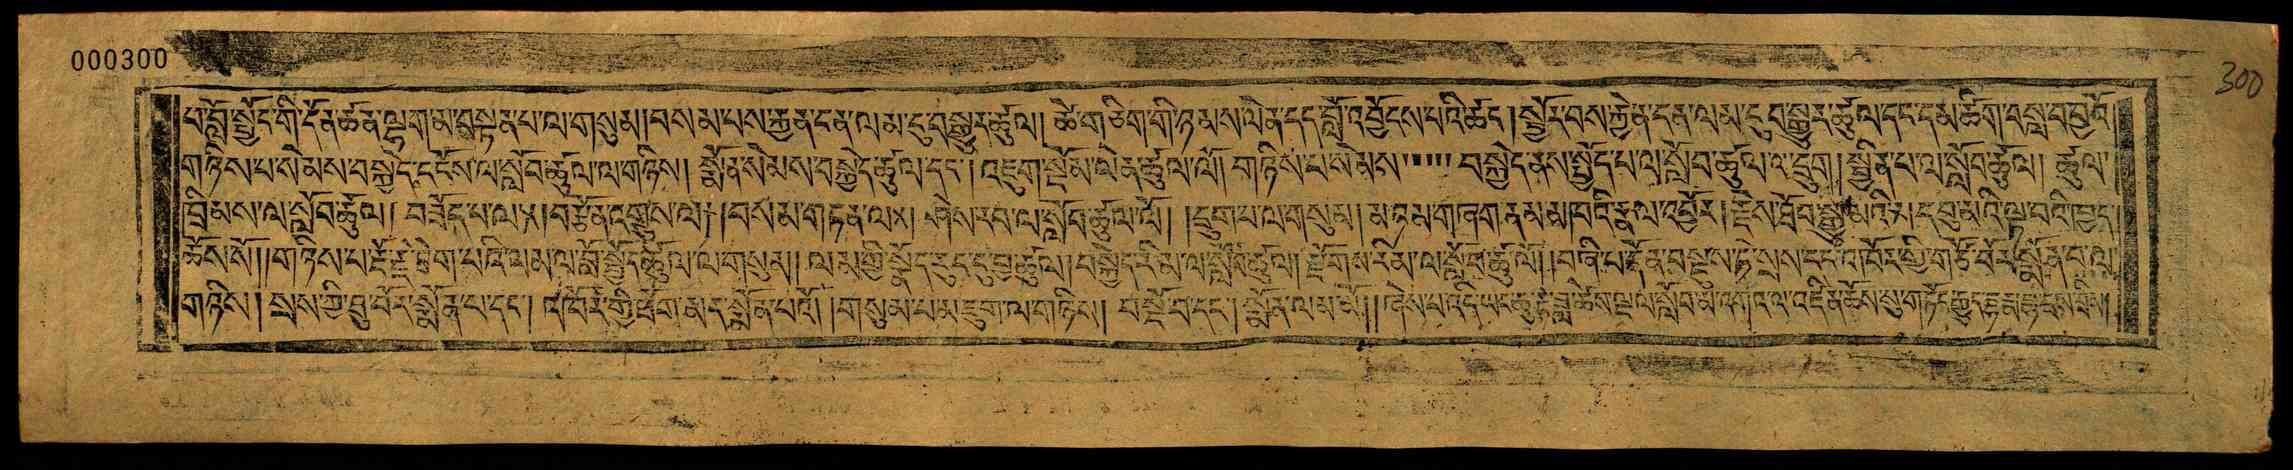པ་བློ་སྦྱོང་གི་དོན་ཚན་ལྷག་མ་བསྟན་པ་ལ་གསུམ། བསམ་པས་རྐྱེན་ངན་ལམ་དུ་བསྒྱུར་ཚུལ། ཚེ་གཅིག་གི་ཉམས་ལེན་དང་བློ་འབྱོངས་པའི་ཚད། སྦྱོར་བས་རྐྱེན་ངན་ལམ་དུ་བསྒྱུར་ཚུལ་དང་དམ་ཚིག་བསླབ་པའོ་
གཉིས་པ་སེམས་བསྐྱེད་དངོས་ལ་སློབ་ཚུལ་ལ་གཉིས། སྨོན་སེམས་བསྐྱེད་ཚུལ་དང་། འཇུག་སྡོམ་ལེན་ཚུལ་ལོ། གཉིས་པ་སེམས་བསྐྱེད་ནས་སྤྱོད་པ་ལ་སློབ་ཚུལ་ལ་དྲུག །སྦྱིན་པ་ལ་སློབ་ཚུལ། ཚུལ་
ཁྲིམས་ལ་སློབ་ཚུལ། བཟོད་པ་ལ་྾། བརྩོན་འགྲུས་ལ་྾། བསམ་གཏན་ལ་྾། ཤེས་རབ་ལ་སློབ་ཚུལ་ལོ། །དྲུག་པ་ལ་གསུམ། མཉམ་གཞག་ནམ་མཁའི་རྣལ་འབྱོར། རྗེས་ཐོབ་སྒྱུ་མའི་྾། དབུ་མའི་ལྟ་བའི་ཁྱད་
ཆོས་སོ། །གཉིས་པ་རྡོ་རྗེ་ཐེག་པའི་ལམ་ལ་བློ་སྦྱོང་ཚུལ་ལ་གསུམ། ལམ་གྱི་སྣོད་རུང་དུ་བྱ་ཚུལ། བསྐྱེད་རིམ་ལ་སློབ་ཚུལ། རྫོགས་རིམ་ལ་སློབ་ཚུལ་ལོ། །བཞི་པ་དོན་བསྡུས་ཏེ་སྲས་དང་འཁོར་གྱི་གཙོ་བོར་སྨོན་པ་ལ་
གཉིས། སྲས་ཀྱི་ཐུ་བོར་སྨོན་པ་དང་། འཁོར་གྱི་ཐོག་མར་སྨོན་པའོ། །གསུམ་པ་མ་ཇུག་ལ་གཉིས། བསྔོ་བ་དང་། སྨོན་ལམ་མོ། །ཞེས་པ་འདི་ཡང་ཆུ་རྟ་ཟླ་ཚེས་ལྔ་ལ་སློབ་མ་འགའ་ལ་འཛིན་ཆོས་སུ་གཏོང་རྒྱུར་དྷརྨ་བྷ་དྲས་བྲིས། །